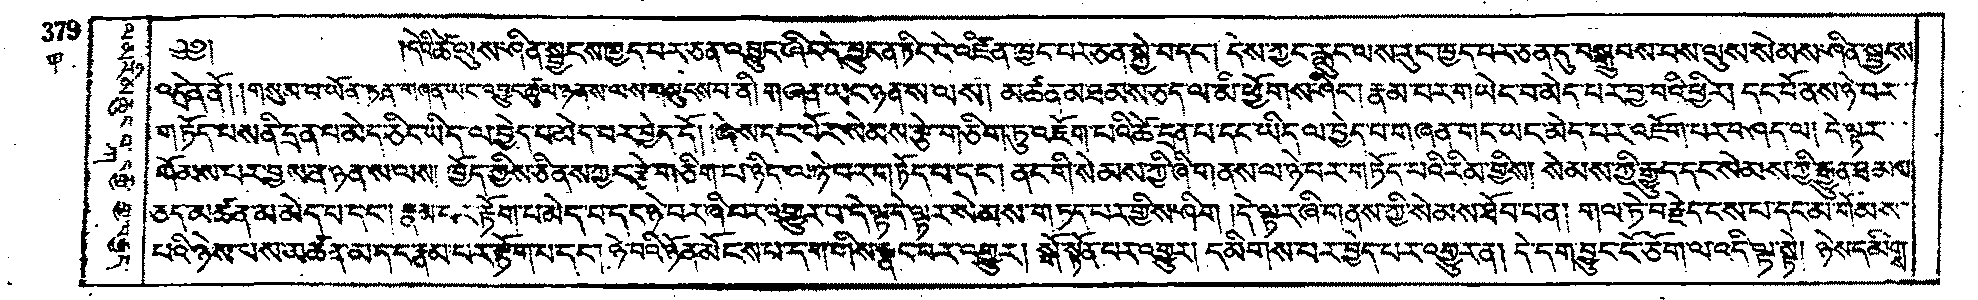༄༅། །དེའི་ཚེ་ལུས་ཤིན་སྦྱངས་ཁྱད་པར་ཅན་འབྱུང་ཞིང་དེ་བྱུང་ན་ཏིང་ངེ་འཛིན་ཁྱད་པར་ཅན་སྐྱེ་བ་དང་། དེས་ཀྱང་རླུང་ལས་རུང་ཁྱད་པར་ཅན་དུ་བསྒྲུབས་པས་ལུས་སེམས་ཤིན་སྦྱངས་
འདྲེན་ནོ། །གསུམ་པ་ཡོན་ཏན་གཞན་ཡང་འབྱུང་ཚུལ་ཉན་ས་ལས་གསུངས་པ་ནི།  གཞན་ཡང་ཉན་ས་ལས། མཚན་མ་ཐམས་ཅད་ལ་ནི་ཕྱོགས་ཤིང་། རྣམ་པར་གཡེང་བ་མེད་པར་བྱ་བའི་ཕྱིར། དང་པོ་ནས་ཉེ་བར་
གཏོད་པས་ནི་དྲན་པ་མེད་ཅིང་ཡིད་ལ་བྱེད་པ་མེད་པར་བྱེད་དོ། །ཞེས་དང་པོར་སེམས་རྩེ་གཅིག་ཏུ་འཇོག་པའི་ཚེ་དྲན་པ་དང་ཡིད་ལ་བྱེད་པ་གཞན་གང་ཡང་མེད་པར་འཇོག་པར་བཤད་ལ། དེ་ལྟར་
གོམས་པར་བྱས་ན་ཉན་ས་ལས། ཁྱོད་ཀྱིས་ཅི་ནས་ཀྱང་རྩེ་གཅིག་པ་ཉིད་ལ་ཉེ་བར་གཏོད་པ་དང་། ནང་གི་སེམས་ཀྱི་ཞི་གནས་ལ་ཉེ་བར་གཏོད་པའི་རིམ་གྱིས། སེམས་ཀྱི་རྒྱུད་དང་སེམས་ཀྱི་རྒྱུན་ཐམས་
ཅད་མཚན་མ་མེད་པ་དང་། རྣམ་པར་རྟོག་པ་མེད་པ་དང་ཉེ་བར་ཞི་བར་འགྱུར་བ་དེ་ལྟ་དེ་ལྟར་སེམས་གཏད་པར་གྱིས་ཤིག །དེ་ལྟར་ཞི་གནས་ཀྱི་སེམས་ཐོབ་པ་ན། གལ་ཏེ་བརྗེད་ངས་པ་དང་མ་གོམས་
པའི་ཉེས་པས་མཚན་མ་དང་རྣམ་པར་རྟོག་པ་དང་། ཉེ་བའི་ཉོན་མོངས་པ་དག་གིས་སྣང་བར་འགྱུར། །སྒོ་སྟོན་པར་འགྱུར། །དམིགས་པར་བྱེད་པར་འགྱུར་ན། དེ་དག་བྱུང་ངོ་ཅོག་ལ་འདི་ལྟ་སྟེ། ཉེས་དམིགས་